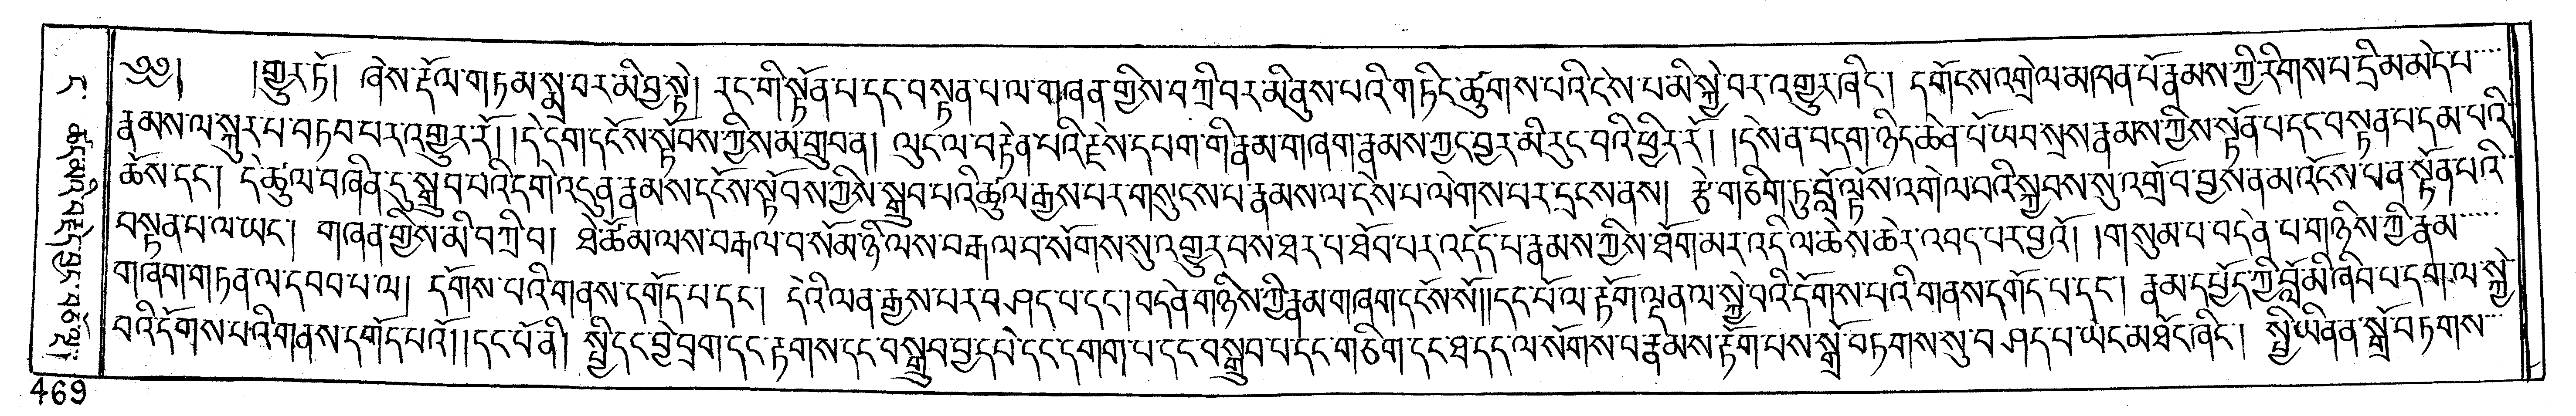༄༅། །གྱུར་ཏོ། ཞེས་རྡོལ་གཏམ་སྨྲ་བར་མི་བྱ་སྟེ། རང་གི་སྟོན་པ་དང་བསྟན་པ་ལ་གཞན་གྱིས་བཀྲི་བར་མི་ནུས་པའི་གཏིང་ཚུགས་པའི་ངེས་པ་མི་སྐྱེ་བར་འགྱུར་ཞིང་། དགོངས་འགྲེལ་མཁན་པོ་རྣམས་ཀྱི་རིགས་པ་དྲི་མ་མེད་པ་
རྣམས་ལ་སྐུར་པ་བཏབ་པར་འགྱུར་རོ། །དེ་དག་དངོས་སྟོབས་ཀྱིས་མ་གྲུབ་ན། ལུང་ལ་བརྟེན་པའི་རྗེས་དཔག་གི་རྣམ་གཞག་རྣམས་ཀྱང་བྱར་མི་རུང་བའི་ཕྱིར་རོ། །དེས་ན་བདག་ཉིད་ཆེན་པོ་ཡབ་སྲས་རྣམས་ཀྱིས་སྟོན་པ་དང་བསྟན་པ་དམ་པའི་
ཆོས་དང་། དེ་ཚུལ་བཞིན་དུ་སྒྲུབ་པའི་དགེ་འདུན་རྣམས་དངོས་སྟོབས་ཀྱིས་སྒྲུབ་པའི་ཚུལ་རྒྱས་པར་གསུངས་པ་རྣམས་ལ་ངེས་པ་ལེགས་པར་དྲངས་ནས། རྩེ་གཅིག་ཏུ་བློ་ལྟོས་འགེལ་བའི་སྐྱབས་སུ་འགྲོ་བ་བྱས་ན་མ་འོངས་པ་ན་སྟོན་པའི་
བསྟན་པ་ལ་ཡང་། གཞན་གྱིས་མི་བཀྲི་བ། ཐེ་ཚོམ་ལས་བརྒལ་བ་སོམ་ཉི་ལས་བརྒལ་བ་སོགས་སུ་འགྱུར་བས་ཐར་པ་ཐོབ་པར་འདོད་པ་རྣམས་ཀྱིས་ཐོག་མར་འདི་ལ་ཆེས་ཆེར་འབད་པར་བྱའོ། །གསུམ་པ་བདེན་པ་གཉིས་ཀྱི་རྣམ་
གཞག་གཏན་ལ་དབབ་པ་ལ། དོགས་པའི་གནས་དགོད་པ་དང་། དེའི་ལན་རྒྱས་པར་བཤད་པ་དང་། བདེན་གཉིས་ཀྱི་རྣམ་གཞག་དངོས་སོ། །དང་པོ་ལ་རྟོག་ལྡན་ལ་སྐྱེ་བའི་དོགས་པའི་གནས་དགོད་པ་དང་། རྣམ་དཔྱོད་ཀྱི་བློ་མི་ཞིབ་པ་དག་ལ་སྒྱེ་
བའི་དོགས་པའི་གནས་དགོད་པའོ། །དང་པོ་ནི། སྤྱི་དང་བྱེ་བྲག་དང་རྟགས་དང་བསྒྲུབ་བྱ་དཔེ་དང་དགག་པ་དང་བསྒྲུབ་པ་དང་གཅིག་དང་ཐ་དད་ལ་སོགས་པ་རྣམས་རྟོག་པས་སྒྲོ་བཏགས་སུ་བཤད་པ་ཡང་མཐོང་ཞིང་། སྤྱི་ཡིན་ན་སྒྲོ་བཏགས་